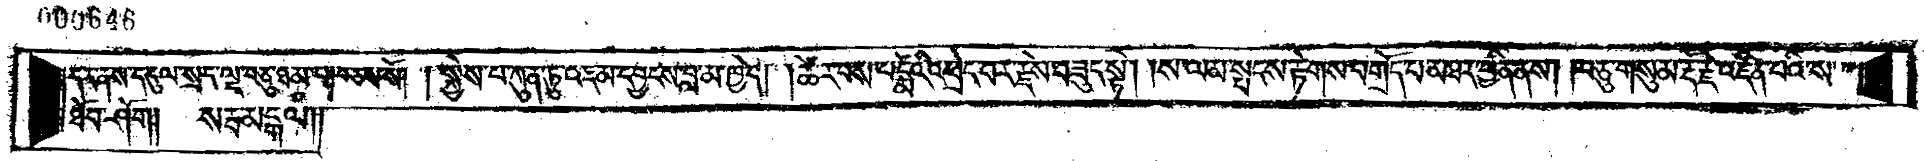དར་ནས་དངུལ་སྲང་ལྔ་བཅུ་ཐམ་པ། བཅས་སོ། །སྐྱེས་པ་ཀུན་ཏུ་འཇམ་དབྱངས་བླ་མ་ཁྱེད། །ཚེ་རབས་པདམོའི་འཕྲེང་བར་རྗེས་བཟུང་སྟེ། །ས་ལམ་སྤངས་རྟོགས་བགྲོད་པ་མཐར་ཕྱིན་ནས། །བཅུ་གསུམ་རྡོ་རྗེ་འཛིན་པའི་ས་
ཐོབ་ཤོག །སརྦ་མངྒ་ལཾ།། །།